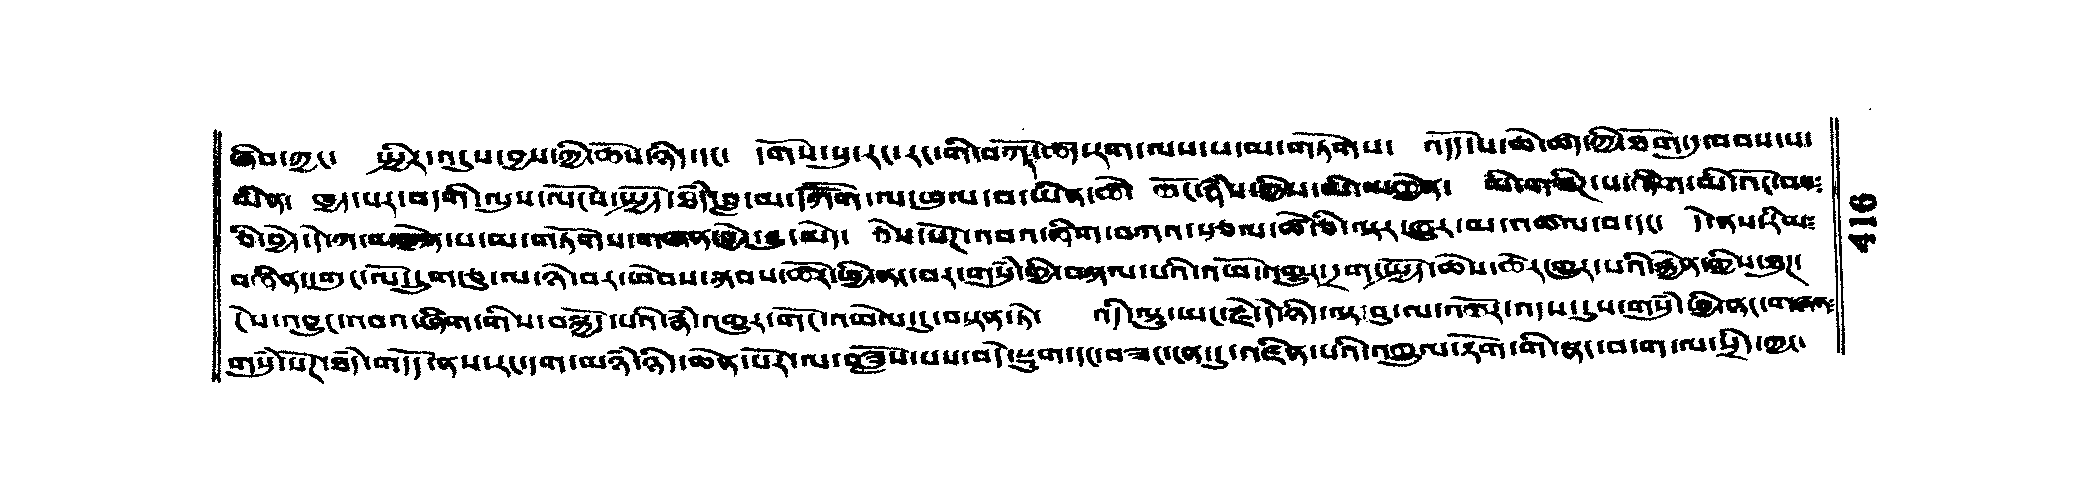ཞིབ་ཀྱང་། སྤྱིར་འདུས་བྱས་ཀྱི་ཆོས་ཉིད་དང་། དགོས་སུ་རང་རང་གི་བཀོད་ཚད་རག་ལས་པ་མ་གཏོགས། འདོད་པ་ཆེ་ཚད་ཀྱི་ཐོག་ཏུ་བབས་པ་
མིན། ཁྱད་པར་བདག་གི་ལུས་ལོངས་སྤྱོད་ཐམས་ཅད་བླ་མ་དཀོན་མཆོག་ལ་ཕུལ་བ་ཡིན་ཚེ། ཁོང་རྣམས་ཀྱི་མི་མཁྱེན། མི་གཟིགས་པ་ཞིག་མིང་འོང་བས་
ཅི་བྱེད་དེ་ཀ་མཁྱེན་པ་མ་གཏོགས་གཞན་བྱེད་རྒྱུ་མེད། ཅེས་སོགས་འབའ་ཞིག་བཀའ་སྩལ་ཚེ་ཅི་ལྟར་ཞུར་མ་འཚལ་བ་དང་། དེ་ནས་རིམ་
བཞིན་དགུང་ལོ་དྲུག་ཅུ་ལ་ཉེ་བར་ཕེབས་སྐབས་ཕྱི་ནང་བར་གསུམ་གྱི་བསྐལ་པའི་འཕོ་འགྱུར་དྲག་སྤྱོད་ཆེས་ཆེར་གྱུར་པའི་རྐྱེན་གྱིས་ཐུགས་
ངེས་འབྱུང་འབའ་ཞིག་གིས་བསྐྱོད་པའི་རྣམ་འགྱུར་གོང་འཕེལ་དུ་བསྟན་ཏེ། འདི་ལྟ་བུ་ཡང་རྗེ་དེ་ཉིད་ལྟ་བུ་ལ་འཁོར་འདས་དུས་གསུམ་ཕྱི་ནང་གཞན་
གསུམ་སོགས་ཐམས་ཅད་གདོད་ནས་རང་དག་མཉམ་ཉིད་ཆེན་པོར་ལ་བཟློས་པས་བདེ་སྡུག་དང་བཟང་ངན་དུ་འཛིན་པའི་འཁྲུལ་རྟོག་གི་སྣང་བ་དག་ལ་སྲིད་ཀྱང་།